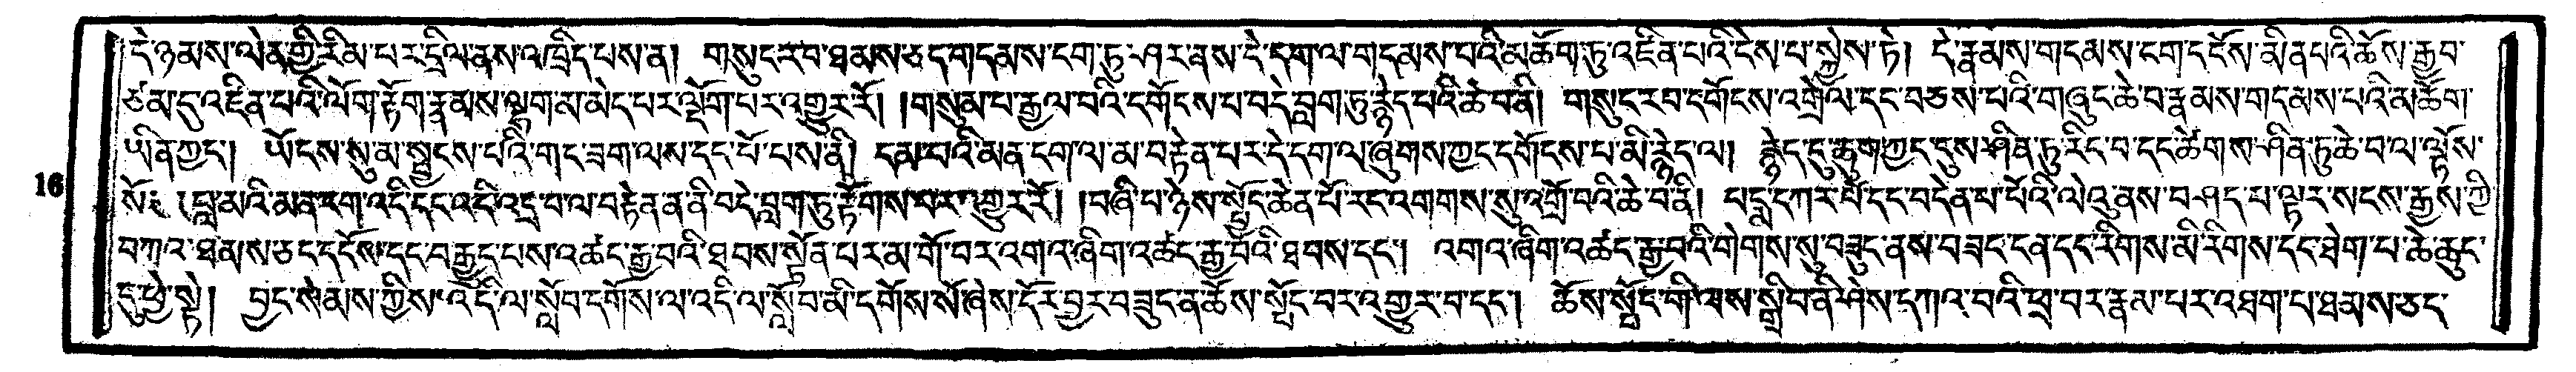དེ་ཉམས་ལེན་གྱི་རིམ་པར་དྲིལ་ནས་འཁྲིད་པས་ན། གསུང་རབ་ཐམས་ཅད་གདམས་ངག་ཏུ་ཤར་ནས་དེ་དག་ལ་གདམས་པའི་མཆོག་ཏུ་འཛིན་པའི་ངེས་པ་སྐྱེས་ཏེ། དེ་རྣམས་གདམས་ངག་དངོས་མིན་པའི་ཆོས་རྒྱུ་
ཙམ་དུ་འཛིན་པའི་ལོག་རྟོག་རྣམས་ལྷག་མ་མེད་པར་ལྡོག་པར་འགྱུར་རོ། །གསུམ་པ་རྒྱལ་བའི་དགོངས་པ་བདེ་བླག་ཏུ་རྙེད་པའི་ཆེ་བ་ནི། གསུང་རབ་དགོངས་འགྲེལ་དང་བཅས་པའི་གཞུང་ཆེ་བ་རྣམས་གདམས་པའི་མཆོག་
ཡིན་ཀྱང་། ཡོངས་སུ་མ་སྦྱངས་པའི་གང་ཟག་ལས་དང་པོ་པས་ནི། དམ་བའི་མན་ངག་ལ་མ་བརྟེན་པར་དེ་དག་ལ་ཞུགས་ཀྱང་དགོངས་པ་མི་རྙེད་ལ། རྙེད་དུ་ཆུག་ཀྱང་དུས་ཤིན་ཏུ་རིང་བ་དང་ཚེགས་ཤིན་ཏུ་ཆེ་བ་ལ་ལྟོས་
སོ༑ ༑བླ་མའི་མན་ངག་འདི་དང་འདི་འདྲ་པ་ལ་བརྟེན་ན་ནི་བདེ་བླག་ཏུ་རྟོགས་པར་འགྱུར་རོ། །བཞི་པ་ཉེས་སྤྱོད་ཆེན་པོ་རང་འགགས་སུ་འགྲོ་བའི་ཆེ་བ་ནི། པདམ་དཀར་པོ་དང་བདེན་པོའི་ལེའུ་ནས་བཤད་པ་ལྟར་སངས་རྒྱས་ཀྱི་
བཀའ་ཐམས་ཅད་དངོས་དང་བརྒྱད་པས་འཚང་རྒྱ་བའི་ཐབས་སྟོན་པར་མ་གོ་བར་འགའ་ཞིག་འཚང་རྒྱ་བའི་ཐབས་དང་། འགའ་ཞིག་འཚང་རྒྱ་བའི་གེགས་སུ་བཟུང་ནས་བཟང་ངན་དང་རིགས་མི་རིགས་དང་ཐེག་པ་ཆེ་ཆུང་
དུ་ཕྱེ་སྟེ། བྱང་སེམས་ཀྱིས་འདི་ལ་སློབ་དགོས་ལ་འདི་ལ་སློབ་མི་དགོས་སོ་ཞེས་དོར་བྱར་བཟུང་ན་ཆོས་སྤོང་བར་འགྱུར་བ་དང་།ཆོས་སྤོང་གི་ལས་སྒྲིབ་ནི་ཤེས་དཀའ་བའི་ཕྲ་བར་རྣམ་པར་འཐག་པ་ཐམས་ཅད་